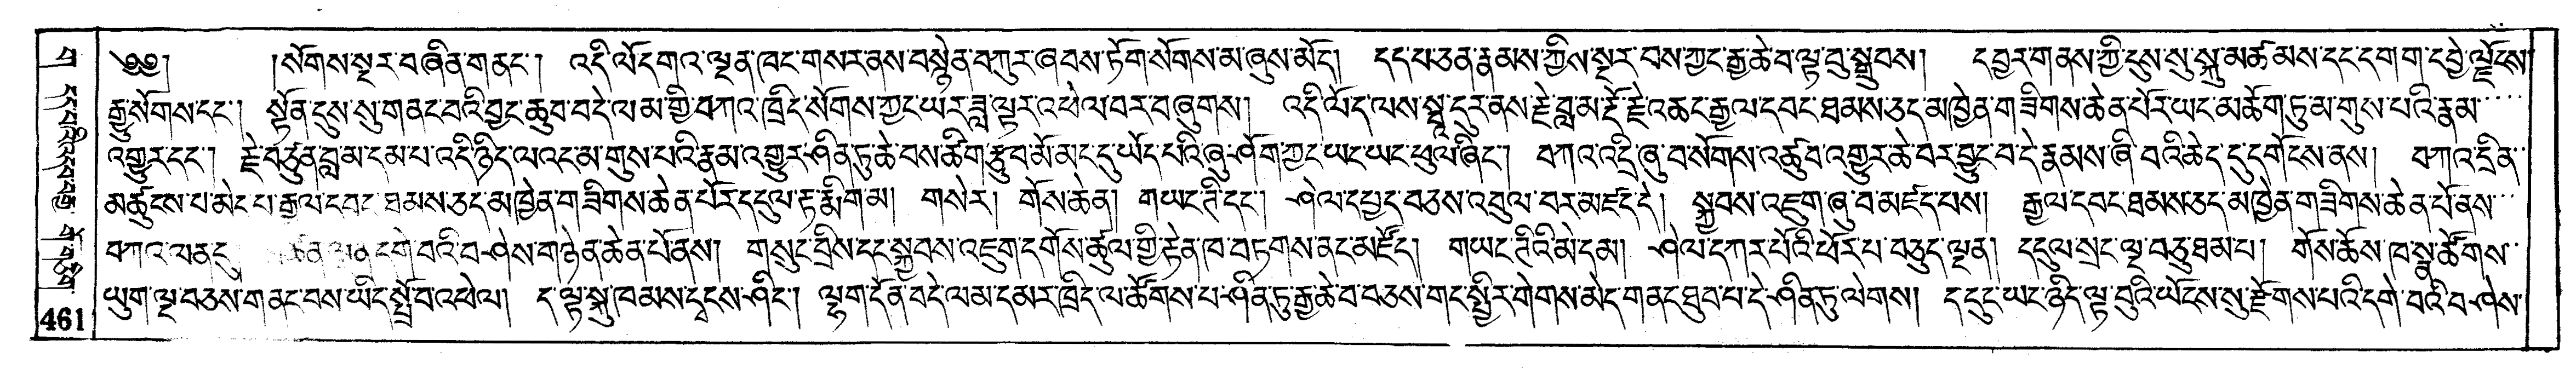༄༅། །སོགས་སྔར་བཞིན་གནང་། འདི་ལོ་དགའ་ལྡན་ཁང་གསར་ནས་བསྙེན་བཀུར་ཞབས་ཏོག་སོགས་མ་ཞུས་མོད། དད་པ་ཅན་རྣམས་ཀྱིས་སྔར་བས་ཀྱང་རྒྱ་ཆེ་བ་ལྟ་བུ་སྒྲུབས། དབྱར་གནས་ཀྱི་དུས་སུ་སྐུ་མཚམས་དང་དགག་དབྱེ་ལྗོངས་
རྒྱུ་སོགས་དང་། སྟོན་དུས་སུ་གནང་བའི་བྱང་ཆུབ་བདེ་ལམ་གྱི་བཀའ་ཁྲིད་སོགས་ཀྱང་ཡར་ཟླ་ལྟར་འཕེལ་བར་བཞུགས། འདི་ལོ་ད་ལས་སྦཱ་དུར་ནས་རྗེ་བླ་མ་རྡོ་རྗེ་འཆང་རྒྱལ་དབང་ཐམས་ཅད་མཁྱེན་གཟིགས་ཆེན་པོར་ཡང་མཆོག་ཏུ་མ་གུས་པའི་རྣམ་
འགྱུར་དང་། རྗེ་བཙུན་བླ་མ་དམ་པ་འདི་ཉིད་ལའང་མ་གུས་པའི་རྣམ་འགྱུར་ཤིན་ཏུ་ཆེ་བས་ཚིག་རྩུབ་མོ་མང་དུ་ཡོད་པའི་ཞུ་ཤོག་ཀྱང་ཡང་ཡང་ཕུལ་ཞིང་། བཀའ་འདྲི་ཞུ་བ་སོགས་འཚུབ་འགྱུར་ཆེ་བར་བྱུང་བ་དེ་རྣམས་ཞི་བའི་ཆེད་དུ་དགོངས་ནས། བཀའ་དྲིན་
མཚུངས་པ་མེད་པ་རྒྱལ་དབང་ཐམས་ཅད་མཁྱེན་གཟིགས་ཆེན་པོར་དངུལ་རྟ་རྨིག་མ། གསེར། གོས་ཆེན། གཡང་ཊི་དང་། ཤེལ་དཔྱད་བཅས་འབུལ་བར་མཛད་དེ། སྐྱབས་འཇུག་ཞུ་བ་མཛད་པས། རྒྱལ་དབང་ཐམས་ཅད་མཁྱེན་གཟིགས་ཆེན་པོ་ནས་
བཀའ་ལན་དུ། མཚན་ལྡན་དགེ་བའི་བཤེས་གཉེན་ཆེན་པོ་ནས། གསུང་བྲིས་དང་སྐྱབས་འཇུག་དགོས་ཚུལ་གྱི་རྟེན་ཁ་བཏགས་ནང་མཛོད། གཡང་ཊིའི་མེ་དམ། ཤེལ་དཀར་པོའི་ཕོར་བ་བཅུད་ལྡན། དངུལ་སྲང་ལྔ་བཅུ་ཐམ་པ། གོས་ཚོས་ཁ་སྣ་ཚོགས་
ཡུག་ལྔ་བཅས་གནང་བས་ཡིད་སྤྲོ་བ་འཕེལ། ད་ལྟ་སྐུ་ཁམས་དྭངས་ཤིང་། ལྷག་དོན་བདེ་ལམ་དམར་ཁྲིད་ལ་ཚོགས་པ་ཤིན་ཏུ་རྒྱ་ཆེ་བ་བཅས་གང་སྦྱིར་གེགས་མེད་གནང་ཐུབ་པ་དེ་ཤིན་ཏུ་ལེགས། ད་དུང་ཡང་ཉིད་ལྟ་བུའི་ཡོངས་སུ་རྫོགས་པའི་དགེ་བའི་བཤེས་